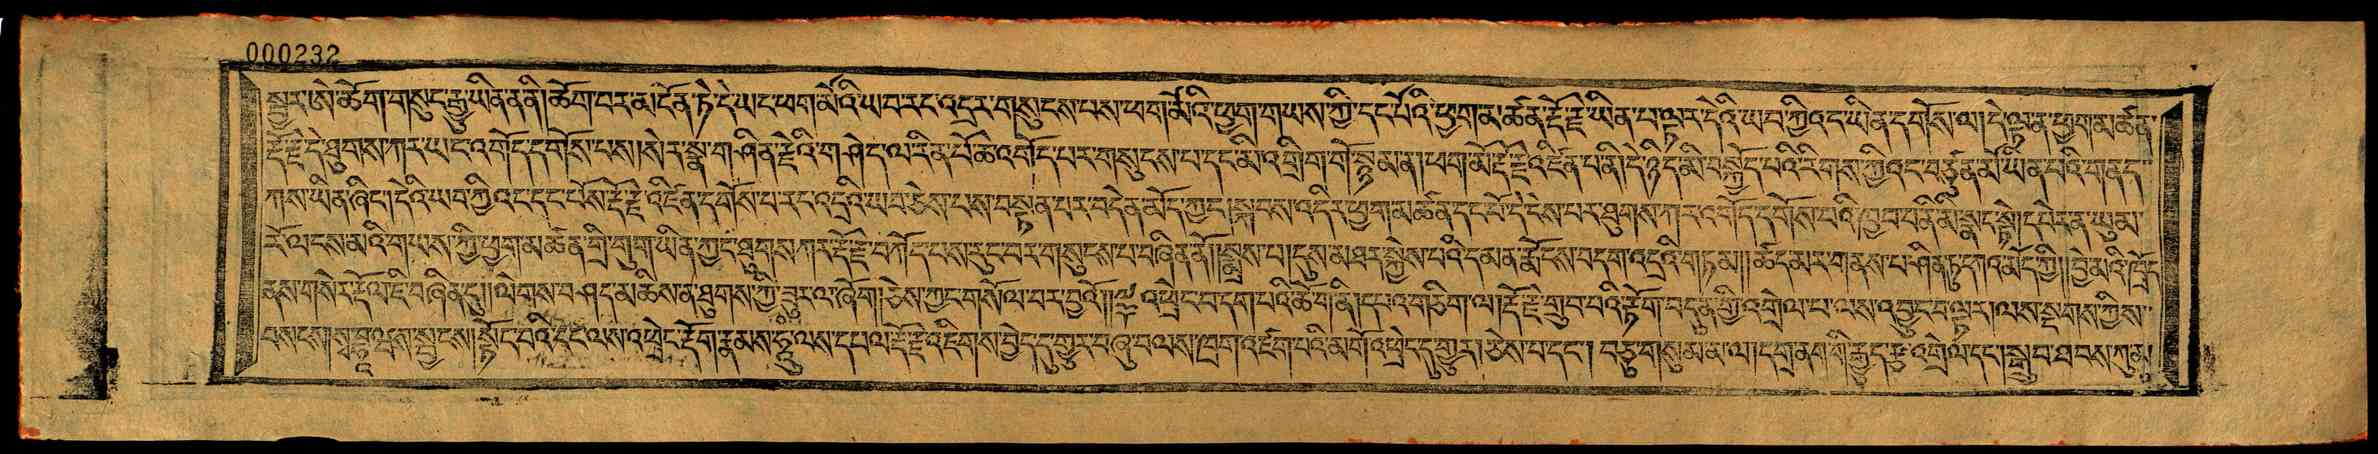སྦྱར་ཨེ་ཆོག་གསུང་རྒྱུ་ཡིན་ན་ནི། ཆོག་པར་མངོན་ཏེ་དེ་ཡང་ཕག་མོའི་ཡབ་རང་འདྲར་གསུངས་པས་ཕག་མོའི་ཕྱག་གཡས་ཀྱི་དང་པོའི་ཕྱག་མཚན་རྡོ་རྗེ་ཡིན་པ་ལྟར་དེའི་ཡབ་ཀྱིའང་ཡིན་དགོས་ལ། དེ་ལྟ་ན་ཕྱག་མཚན་
རྡོ་རྗེ་དེ་ཐུགས་ཀ་ར་ཡང་འགོད་དགོས་པས། སེར་སྣ་གཤིན་རྗེའི་གཤེད་ལ་རིན་པོ་ཆེ་འགོད་པར་གསུངས་པ་དང་མི་འགྲིག་གོ་སྙམ་ན་།ཕག་མོ་རྡོ་རྗེ་འཛིན་པ་ནི། དེ་ཉིད་མི་བསྐྱོད་པའི་རིགས་ཀྱིའང་བཙུན་མོ་ཡིན་པའི་གནད་
ཀྱིས་ཡིན་ཞིང་། དེའི་ཡབ་ཀྱིའང་དང་པོས་རྡོ་རྗེ་འཛིན་དགོས་པ་རང་འདྲའི་ཡབ་ཅེས་པས་བསྟན་པར་བདན་མོད་ཀྱང་། སྐབས་འདིར་ཕྱག་མཚན་དང་པོ་དེ་ངེས་པར་ཐུགས་ཀར་འགོད་དགོས་པའི་ཁྱབ་པ་ནི་མི་སྣང་སྟེ། དཔེར་ན་ཡུམ་
རོ་ལངས་མའི་གཡས་ཀྱི་ཕྱག་མཚན་གྲི་གུག་ཡིན་ཀྱང་ཐུགས་ཀར་རྡོ་རྗེ་བཀོད་པས་རུང་བར་གསུངས་པ་བཞིན་ནོ། །སྨྲས་བ། རུས་མཐར་སྐྱེས་པའི་དམན་རྨོངས་བདག་འདྲའི་གཏམ། །ཚད་མར་གནས་པ་ཤིན་ཏུ་དཀའ་མོད་ཀྱི། །བྱེ་མའི་ཁྲོད་
ནས་གསེར་རྡེལ་ཇི་བཞིན་དུ། །ལེགས་བཤད་མཆིས་ན་ཐུགས་ཀྱི་ཟུར་ལ་ཞོག །ཅེས་ཀྱང་གསོལ་བར་བྱའོ།། ༈ འཕྲེང་བ་དག་པའི་ཆོ་ག་ནི། དཔའ་གཅིག་ལ། རྡོ་རྗེ་གྲུབ་པའི་རྟོག་བདུན་གྱི་འགྲེལ་པ་ལས་འབྱུང་བ་ལྟར། ལས་སྔགས་ཀྱིས་
བསངས། སྭ་བྷ་ཝས་སྦྱངས། སྟོང་པའི་ངང་ལས་འཕྲེང་རྡོག་རྣམས་ཧཱུཾ་ལས་དཔལ་རྡོ་རྗེ་འཇིགས་བྱེད་དུ་གྱུར་བ་ཞུ་བ་ལས་ཁྲག་འཛག་པའི་མགོ་འཕྲེང་དུ་གྱུར། ཅེས་པ་དང་། བཅུ་གསུམ་མ་ལ། དགྲ་ནག་གི་རྒྱུད་རྩ་འགྲེལ་དང་། སྒྲུབ་ཐབས་ཀུ་མུ་